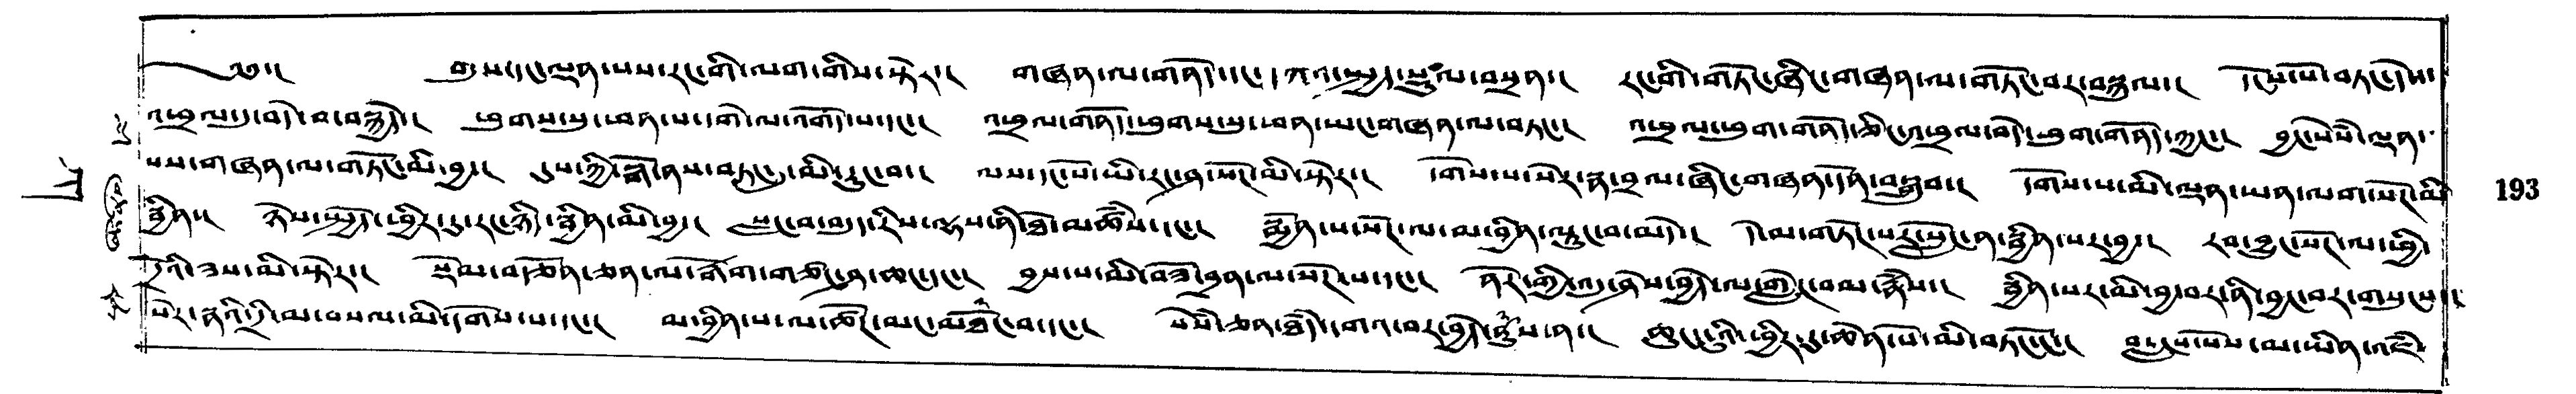གུས་དང་ལྡན་པས་རང་གི་ལག་གིས་སྟེར། །གཞན་ལ་གནོད་དང་དཀའ་སྤྱད་སྡུག་བསྔལ་བསྲན། །རང་གི་གཏོང་ཞིང་གཞན་ལ་གཏོང་བར་བསྐུལ། །དངོས་པོ་བཏང་དེས་
འཕྲལ་དུ་བདེ་བ་བསྐྱེད། །ཕུགས་སུ་ཕན་པ་དགེ་ལ་འགོད་པ་དང་། །འཕྲལ་གནོད་ཕུགས་སུ་ཕན་ཡང་གཞན་ལ་བཏང་། །འཕྲལ་ཕུགས་གནོད་ཅིང་འཕྲལ་བདེ་ཕུགས་གནོད་ཀྱང་། །བྱང་སེམས་ལྡན་
པས་གཞན་ལ་གཏོང་མི་བྱ། །དུས་ཀྱི་སྒོ་ནས་བཏང་དུ་མི་རུང་བ། །ལས་དང་པོ་ཡི་རང་ཤ་སོགས་མི་སྟེར། །དགོས་པ་སེར་སྣ་བྲལ་ཞིང་གཞན་དོན་བསྒྲུབ། །དགོས་པ་མི་ལྡན་ཡན་ལག་སོགས་མི་
སྦྱིན། །ཉེས་སྤྱོད་ཕྱིར་དུ་རང་ཉིད་སྦྱིན་མི་བྱ། །སློང་བ་བདུད་རིས་ལྷས་ནི་ཐོ་མཚམས་དང་། །སྨྱོན་པ་སོགས་ལ་མ་བྱིན་ལྟུང་བ་མེད། །དེ་མ་གཏོགས་པར་སློང་ན་སྦྱིན་པར་བྱ། །རབ་བྱུང་སོགས་ལ་ཕྱི་
དྲོའི་ཟས་མི་སྟེར། །སྡོམ་བརྩོན་ཅན་ལ་རྒོག་གཙོང་ཤ་ཆང་དང་། །བྱས་པ་མི་བཟོ་བྲན་ལ་སོགས་པ་དང་། །ནོར་གྱི་འདུ་ཤེས་བྱེད་ལ་གླེགས་བམ་རྣམས། །སྦྱིན་པར་མི་བྱ་བར་ནི་བྱང་སར་གསུངས། །
སེར་སྣའི་དྲི་མ་བསལ་མི་དགོས་པ་དང་། །མ་བྱིན་པ་ལ་ཚོགས་མང་མཐོང་བ་དང་། །སེམས་ཅན་ཐམས་ཅད་དགའ་བར་བྱེད་ནུས་ན། །ཆུང་ངུའི་ཕྱིར་དུ་ཆེན་པོ་མི་བཏང་ངོ་། །བརླང་པོས་མ་ཡིན་འཇམ་